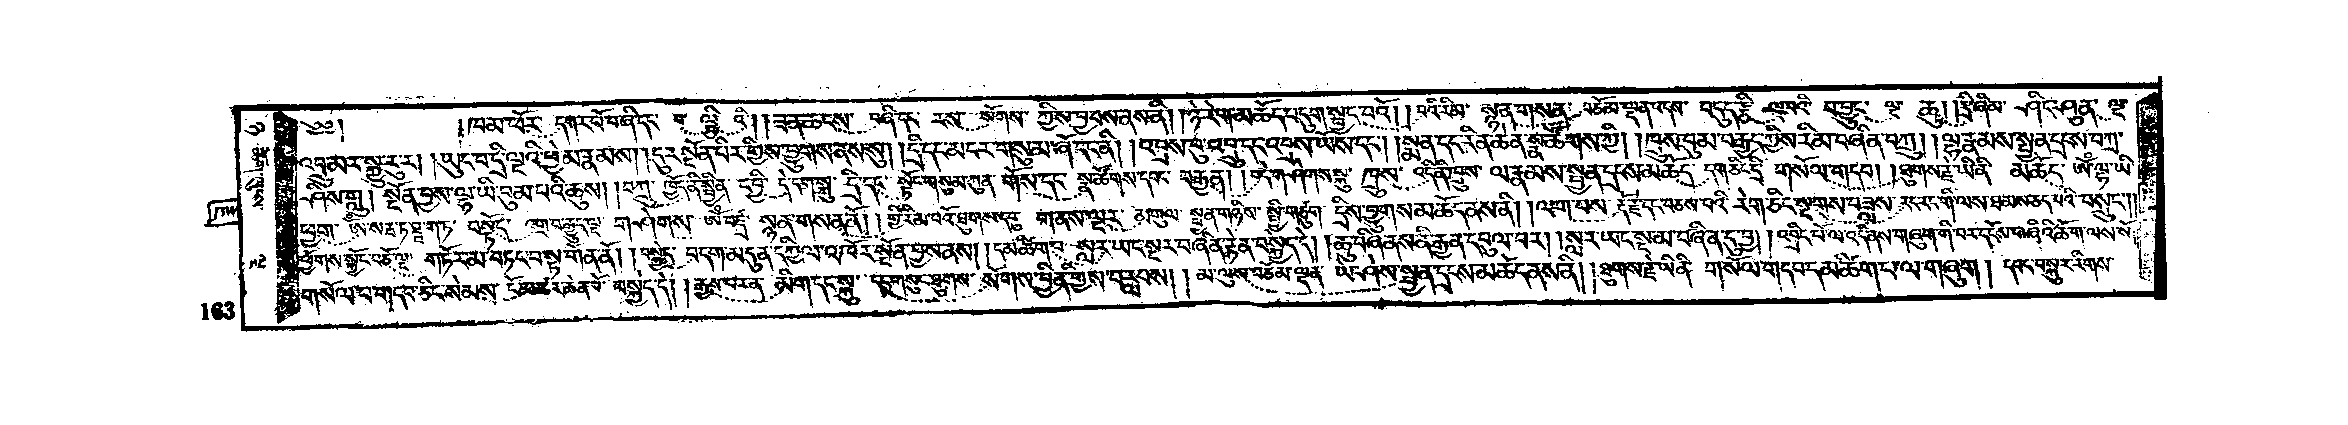༄༅། །ཁམ་ཕོར་དཀར་པོ་བཞི་དང་པ་ལྕིའི། །ཟན་ཆངས་བཞི་དང་རས་སོགས་ཀྱིས་བྱབས་ནས་ནི། །ཉེ་རེག་མཆོད་བདུག་སྦྱང་བའོ། ། པའི་རིམ་སྙན་གསན་བཅོམ་ལྡན་འདས་བདུད་རྩི་ལྔ་བའི་བ་བྱུང་ལྔ་ཆུ། ། དྲི་ཞིམ་ཞིང་ཤུན་ལྔ་
འབྲུ་མར་སྐྱུ་རུ་ར། །ཡུང་བ་དྲི་ལྔའི་ཕྱེ་མ་རྣམས། །དུར་སྔོན་པིར་གྱིས་བྱུགས་ནས་སུ། །དྲི་དང་མངར་གསུམ་ཞོ་དང་ནི། །འབྲས་བུ་འབྲུ་དང་འབྲས་ཡོས་དང་། །སྨན་དང་རིན་ཆེན་སྣ་ཚོགས་ཀྱི། །ཁྲུས་བུམ་བརྒྱད་ཀྱིས་རིམ་བཞིན་བཀྲུ། །ལྷ་རྣམས་སྤྱན་དྲངས་བཀྲ་
ཤིས་གླུ། སྔོན་བྱས་ལྷ་ཡི་བུམ་པའི་ཆུས། །བཀྲུ་ཁྱོད་ནི་སྦྱིན་དབྱི་དེ་དག་སྐུ་དྲི་དང་སྟོང་གསུམ་ཀུན་གོས་དང་སྣ་ཚོགས་དབང་བརྒྱན། །བདེ་གཤེགས་སྐུ་ཁྲུས་འདི་ནི་ཁྲུས་ལ་རྣམས་སྤྱན་དྲངས་མཆོད་དག་ཅིང་དྲི་གསོལ་གདབ། །ཐུགས་རྗེ་ཡི་ནི་མཆོད་ཨོཾ་ལྷ་ཡི་
ཕྱག་ཨོཾ་སརྦ་ཏ་ཐཱ་ག་ཏ་བསྟོད་འགྲ་བ་རྒྱུད་ལྔ་གཤེགས་ཨོཾ་བཛྲ་སྙན་གསན་ནོ། ། གྱི་རིམ་པའོ་ཐུགས་དབུ་གནས་ལྔར་མགུལ་སྤྱན་གཉིས་སྤྱི་གཙུག་དྲིས་བྱུགས་མཆོད་ནས་ནི། །ལག་པས་རྡོ་རྗེ་དང་བཅས་པའི་རེག་ཅིང་སྔགས་བཟླས་རང་རང་གི་ལས་ཐམས་ཅད་པའི་བསྲུང་། །
ཕྱོགས་སྐྱོང་བཅོ་ལྔ་གཏོར་མ་བཏང་བ་སྟ་གོན་ནོ། ། བསྐྱེད་བདག་མདུན་དཀྱིལ་འཁོར་སྔོན་བྱས་ནས། ། དམ་ཚིག་པ་སླར་ཡང་སྔར་བཞིན་རྟེན་བསྐྱེད་དེ། །ཆུ་བཞི་ནས་ནི་རྒྱན་དབུལ་བར། །སླར་ཡང་སྔ་མ་བཞིན་དུ་བྱ། ། འབྲིང་པོ་ལ་འདི་ནས་གཞུག་གི་བར་དངོས་གཞིའི་ཆོ་ག་ལས་སོ། །
གསོལ་བ་གདབ་ཅིང་སེམས་ངོ་མཚར་ཆེན་པོ་བསྐྱེད་དེ། ། རྒྱས་པར་ན་མིག་དང་སྐུ་དང་གསུང་ཐུགས་སོགས་བྱིན་གྱིས་བརླབས། ། མ་ལུས་བཅོམ་ལྡན་ཡེ་ཤེས་སྤྱན་དྲངས་མཆོད་ནས་ནི། ། ཐུགས་རྗེ་ཡི་ནི་གསོལ་གདབ་དམ་ཚིག་པ་ལ་གཞུག །དབང་བསྐུར་རིགས་